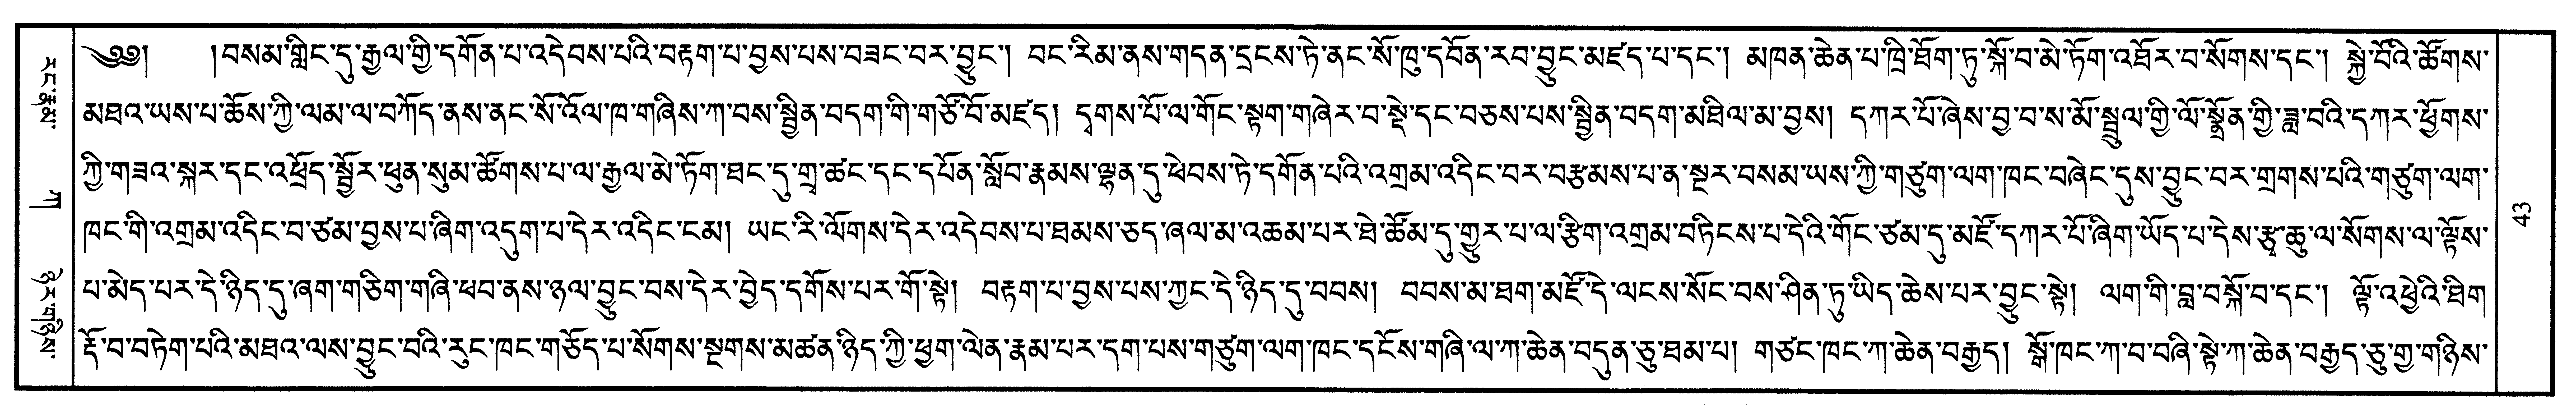༄༅། །བསམ་གླིང་དུ་རྒྱལ་གྱི་དགོན་པ་འདེབས་པའི་བརྟག་པ་བྱས་པས་བཟང་བར་བྱུང་། བང་རིམ་ནས་གདན་དྲངས་ཏེ་ནང་སོ་ཁུ་དབོན་རབ་བྱུང་མཛད་པ་དང་། མཁན་ཆེན་པ་ཁྲི་ཐོག་ཏུ་སྐོ་བ་མེ་ཏོག་འཐོར་བ་སོགས་དང་། སྐྱེ་བོའི་ཚོགས་
མཐའ་ཡས་པ་ཆོས་ཀྱི་ལམ་ལ་བཀོད་ནས་ནང་སོ་འོལ་ཁ་གཞིས་ཀ་བས་སྦྱིན་བདག་གི་གཙོ་བོ་མཛད། དྭགས་པོ་ལ་གོང་སྟག་གཞེར་བ་སྡེ་དང་བཅས་པས་སྦྱིན་བདག་མཐིལ་མ་བྱས། དཀར་པོ་ཞེས་བྱ་བ་ས་མོ་སྦྲུལ་གྱི་ལོ་སྣྲོན་གྱི་ཟླ་བའི་དཀར་ཕྱོགས་
ཀྱི་གཟའ་སྐར་དང་འཕྲོད་སྦྱོར་ཕུན་སུམ་ཚོགས་པ་ལ་རྒྱལ་མེ་ཏོག་ཐང་དུ་གྲྭ་ཚང་དང་དཔོན་སློབ་རྣམས་ལྷན་དུ་ཕེབས་ཏེ་དགོན་པའི་འགྲམ་འདིང་བར་བརྩམས་པ་ན་སྔར་བསམ་ཡས་ཀྱི་གཙུག་ལག་ཁང་བཞེང་དུས་བྱུང་བར་གྲགས་པའི་གཙུག་ལག་
ཁང་གི་འགྲམ་འདིང་བ་ཙམ་བྱས་པ་ཞིག་འདུག་པ་དེར་འདིང་ངམ། ཡང་རི་ལོགས་དེར་འདེབས་པ་ཐམས་ཅད་ཞལ་མ་འཆམ་པར་ཐེ་ཚོམ་དུ་གྱུར་པ་ལ་རྩིག་འགྲམ་བཏིངས་པ་དེའི་གོང་ཙམ་དུ་མཛོ་དཀར་པོ་ཞིག་ཡོད་པ་དེས་རྩྭ་ཆུ་ལ་སོགས་ལ་ལྟོས་
པ་མེད་པར་དེ་ཉིད་དུ་ཞག་གཅིག་གཞི་ཕབ་ནས་ཉལ་བྱུང་བས་དེར་བྱེད་དགོས་པར་གོ་སྟེ། བརྟག་པ་བྱས་པས་ཀྱང་དེ་ཉིད་དུ་བབས། བབས་མ་ཐག་མཛོ་དེ་ལངས་སོང་བས་ཤིན་ཏུ་ཡིད་ཆེས་པར་བྱུང་སྟེ། ལག་གི་བླ་བསྐོ་བ་དང་། ལྟོ་འཕྱེའི་ཐིག་
རྡོ་བ་བཏེག་པའི་མཐའ་ལས་བྱུང་བའི་རུང་ཁང་གཅོད་པ་སོགས་སྔགས་མཚན་ཉིད་ཀྱི་ཕྱག་ལེན་རྣམ་པར་དག་པས་གཙུག་ལག་ཁང་དངོས་གཞི་ལ་ཀ་ཆེན་བདུན་ཅུ་ཐམ་པ། གཙང་ཁང་ཀ་ཆེན་བརྒྱད། སྒོ་ཁང་ཀ་བ་བཞི་སྟེ་ཀ་ཆེན་བརྒྱད་ཅུ་གྱ་གཉིས་